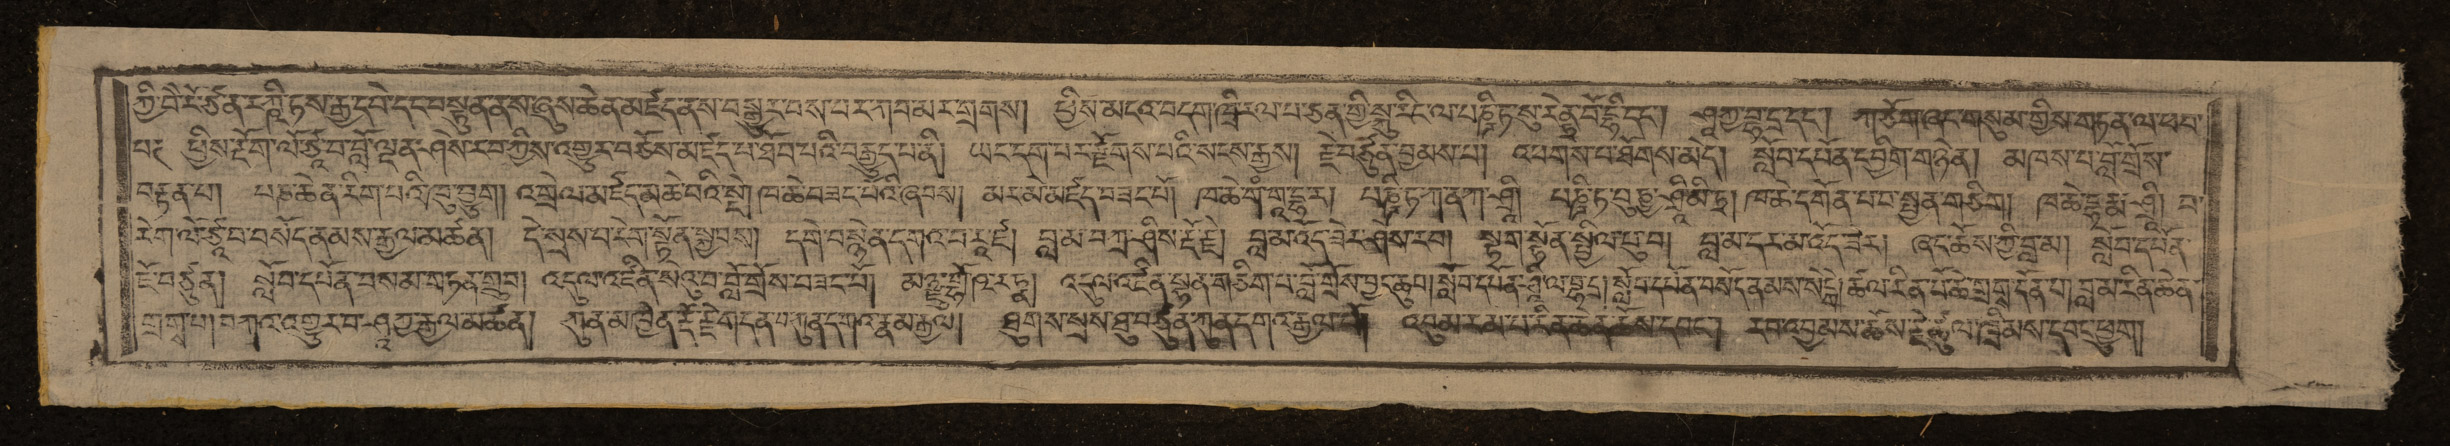ཀྱི་བཻ་རོ་ཙན་ཀྵི་ཏས་རྒྱད་པེ་དང་བསྟུན་ནས་ཞུས་ཆེན་མཛད་ནས་བསྒྱུར་བས་པར་ཀབ་མར་གྲགས། ཕྱིས་མངའ་བདག་ཁྲི་རལ་བ་ཅན་གྱི་སྐུ་རིང་ལ་བཎྜི་ཏ་སུ་རེ་ནྟྲ་བོ་དྷི་དང་། ཤཱཀྱ་བྷ་དྲ་དང་། ཀ་ཅོག་ཞང་གསུམ་གྱིས་གཏན་ལ་ཕབ་
པཿ ཕྱིས་རྡོག་ལོ་ཙཱ་བ་བློ་ལྡན་ཤེས་རབ་ཀྱིས་འགྱུར་བཅོམ་མཛད་པ་ཐོབ་པའི་བརྒྱུད་པ་ནི། ཡང་དག་པར་རྫོགས་པའི་སངས་རྒྱས། རྗེ་བཙུན་བྱམས་པ། འཕགས་པ་ཐོགས་མེད། སློབ་དཔོན་དབྱིག་གཉེན། མཁས་པ་བློ་གྲོས་
བརྟན་པ། པཎ་ཆེན་རིག་པའི་ཁུ་བྱུག། འགྲེལ་མཛད་མཆེ་བའི་སྡེ། ཁ་ཆེ་བཟང་པོའི་ཞབས། མར་མེ་མཛད་བཟང་པོ། ཁ་ཆེག་གཱ་དྷ་ར། པཎྜི་ཀ་ན་ཀ་ཤྲཱི། པཎྜི་ཏ་པུ་ཎྱ་ཤྲཱི་མི་ཏྲ། ཁ་ཆེ་དགོན་པ་བ་སྦྱན་གཅིག། ཁ་ཆེ་དྷ་རྨ་ཤྲཱི། བ་
རེག་ལེ་ཙཱ་བ་བསོད་ནམས་རྒྱལ་མཚན། དེ་སྲས་བ་རེག་སྟོན་སྐྱབས། དགེ་བསྙེན་དགའ་བ་རཱ་ཛ། བླ་མ་བཀྲ་ཤིས་རྡོ་རྗེ། བླ་མ་འོད་ཟེར་ཤེས་རབ། སྟག་སྟོན་སྦྱིལ་བུ་པ། བླ་མ་དར་མ་འོད་ཟེར། ཞང་ཆོས་ཀྱི་བླ་མ། སློབ་དཔོན་
ཇོ་བཙུན། སློབ་དཔོན་བསམ་གཏན་གྲུབ། འདུལ་འཛིན་སེའུ་བ་བློ་གྲོས་བཟང་པོ། མ་ཉྫུ་གྷོ་ཥ་རཏྣ། འདུལ་འཛིན་སྟན་གཅིག་པ་བློ་གྲོས་བྱང་ཆུབ། སློབ་དཔོན་ཤཱི་ལ་བྷ་དྲ། སློབ་དཔོན་བསོད་ནམས་སེངྒེ། ཚལ་རིན་ཆེ་གྲགས་དོན་ག་བླ་མ་རིན་ཆེན་
བྲག་པ། བཀའ་འགྱུར་རྒྱལ་ཚན། ཀུན་མཁྱེན་རྡོ་རྗེ་གདན་པ་ཀུན་དགའ་རྣམས་རྒྱལ། ཐུགས་སྲས་ཐུབ་ཙུན་ཀུན་དགའ་རྒྱལ་པ། འབུམ་རམ་པ་རིན་ཆེན་ཆོས་དབང་། རབ་འབྱམས་ཆོས་རྗེ་ཚུལ་ཁྲིམས་དབང་ཕྱུག།